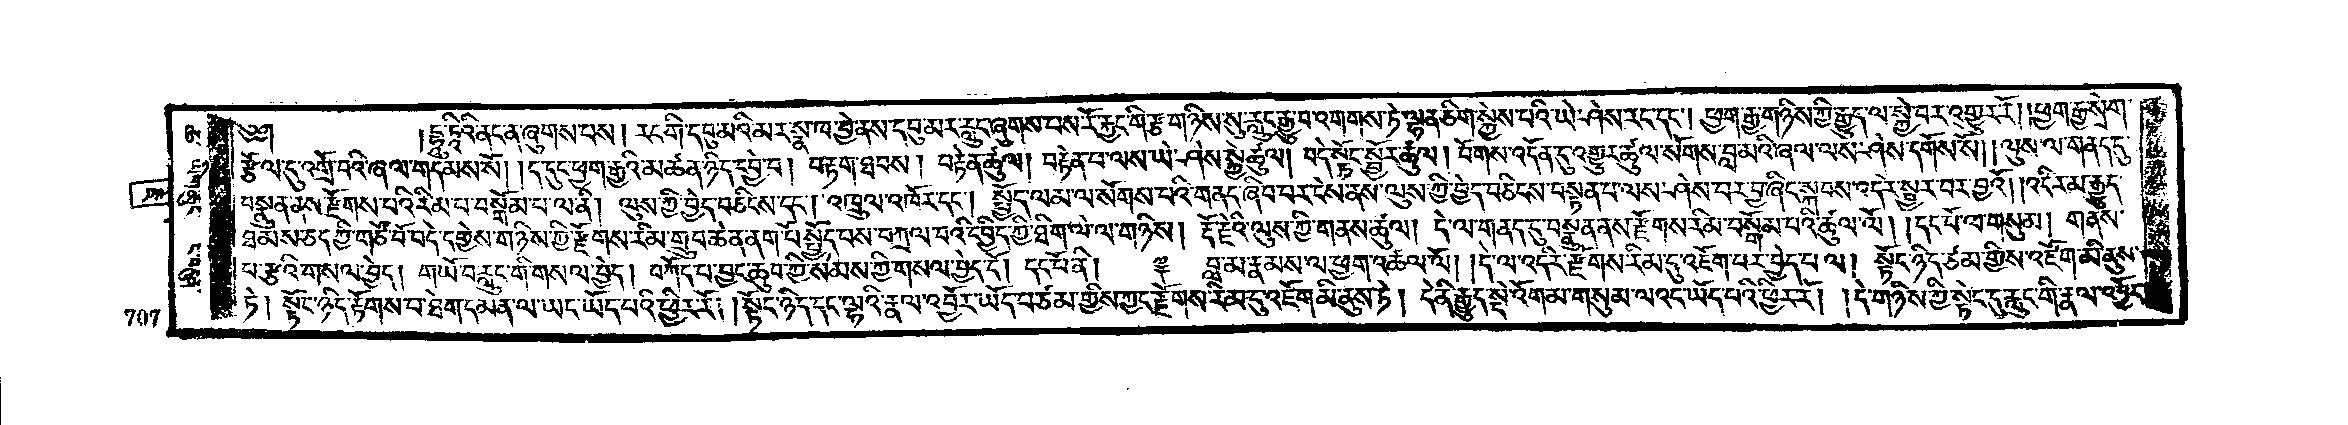༄༅། །དྷཱུ་ཏཱིའི་ནང་ན་ཞུགས་པས། རང་གི་དབུ་མའི་མར་སྣ་ཁ་བྱེ་ནས་དབུ་མར་རླུང་ཞུགས་པས་རོ་རྐྱང་གི་རྩ་གཉིས་སུ་རླུང་རྒྱུ་བ་འགགས་ཏེ་ལྷན་ཅིག་སྐྱེས་པའི་ཡེ་ཤེས་རང་དང་། ཕྱག་རྒྱ་གཉིས་ཀྱི་རྒྱུད་ལ་སྐྱེ་བར་འགྱུར་རོ། །ཕྱག་རྒྱ་སྲོག་
རྩེལ་དུ་འགྲོ་བའི་ཞལ་གདམས་སོ། །ད་དུང་ཕྱག་རྒྱའི་མཚན་ཉིད་དབྱེ་བ། བརྟག་ཐབས། བརྟེན་ཚུལ། བརྟེན་པ་ལས་ཡེ་ཤེས་སྐྱེ་ཚུལ། བདེ་སྟོང་སྦྱོར་ཚུལ། བོགས་འདོན་དུ་འགྱུར་ཚུལ་སོགས་བླ་མའི་ཞལ་ལས་ཤེས་དགོས་སོ། །ལུས་ལ་གནད་དུ་
བསྣུན་ནས་རྫོགས་པའི་རིམ་པ་བསྒོམ་པ་ལ་ནི། ལུས་ཀྱི་བྱེད་བཅིངས་དང་། འཁྲུལ་འཁོར་དང་། སྤྱོད་ལམ་ལ་སོགས་པའི་གནད་ཞིབ་པར་ངེས་ནས་ལུས་ཀྱི་བྱེད་བཅིངས་བསྟན་པ་ལས་ཤེས་པར་བྱ་ཞིང་སྐབས་འདིར་སྦྱར་བར་བྱའོ། །འདིར་མ་རྒྱུད་
ཐམས་ཅད་ཀྱི་གཙོ་བོ་བདེ་དགྱེས་གཉིས་ཀྱི་རྫོགས་རིམ་གྲུབ་ཆེན་ནག་པོ་སྤྱོད་པས་བཀྲལ་བའི་དཔྱིད་ཀྱི་ཐིག་ལེ་ལ་གཉིས། རྡོ་རྗེའི་ལུས་ཀྱི་གནས་ཚུལ། དེ་ལ་གནད་དུ་བསྣུན་ནས་རྫོགས་རིམ་བསྒོམ་པའི་ཚུལ་ལོ། །དང་པོ་ལ་གསུམ། གནས་
པ་རྩའི་གསལ་བྱེད། གཡོ་བ་རླུང་གི་གསལ་བྱེད། བཀོད་པ་བྱང་ཆུབ་ཀྱི་སེམས་ཀྱི་གསལ་བྱེད་དོ། དང་པོ་ནི། ༈ བླ་མ་རྣམས་ལ་ཕྱག་འཚལ་ལོ། །དེ་ལ་འདིར་རྫོགས་རིམ་དུ་འཇོག་པར་བྱེད་པ་ལ། སྟོང་ཉིད་ཙམ་གྱིས་འཇོག་མི་ནུས་
ཏེ། སྟོང་ཉིད་རྟོགས་པ་ཐེག་དམན་ལ་ཡང་ཡོད་པའི་ཕྱིར་རོ། །སྟོང་ཉིད་དང་ལྷའི་རྣལ་འབྱོར་ཡོད་པ་ཙམ་གྱིས་ཀྱང་རྫོགས་རིམ་དུ་འཇོག་མི་ནུས་ཏེ། དེ་ནི་རྒྱུད་སྡེ་འོག་མ་གསུམ་ལའང་ཡོད་པའི་ཕྱིར་རོ། །དེ་གཉིས་ཀྱི་སྟེང་དུ་རླུང་གི་རྣལ་འབྱོར་